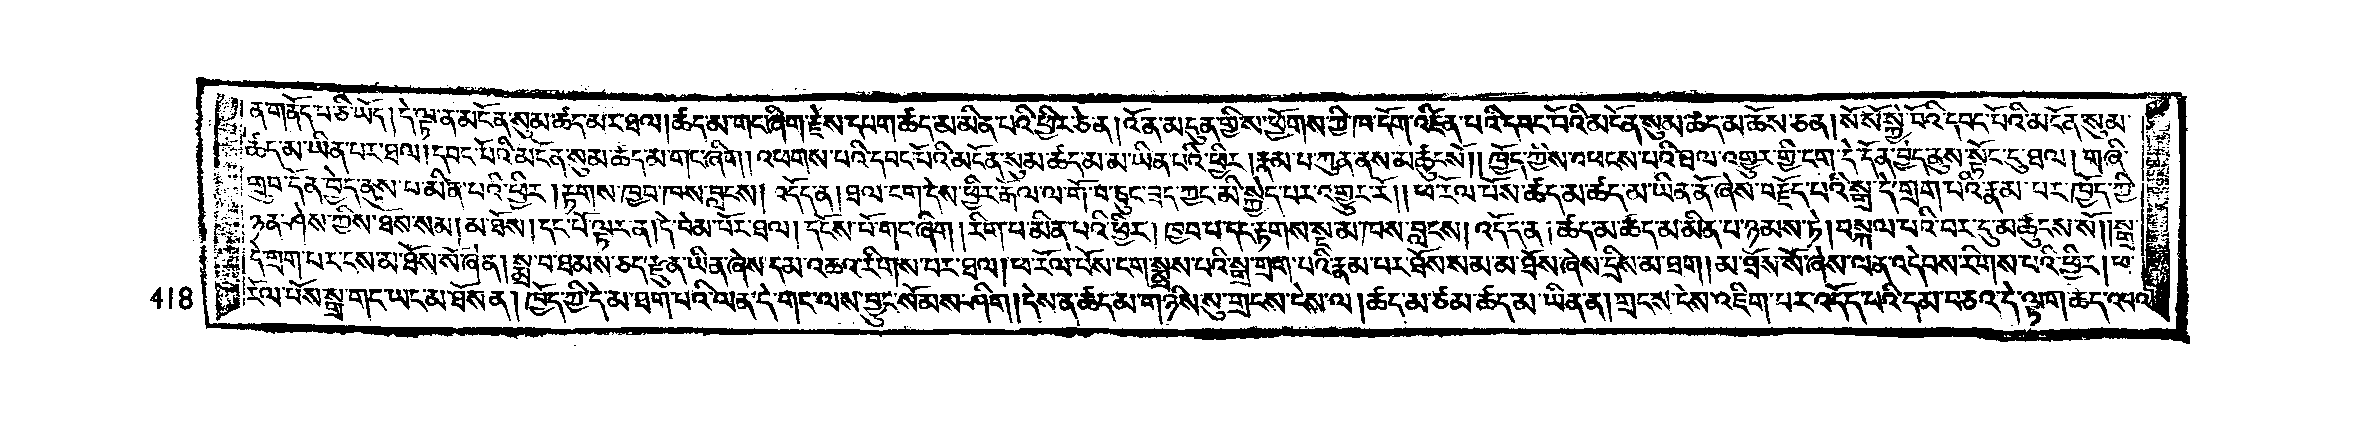ན་གནོད་པ་ཅི་ཡོད། དེ་ལྟ་ན་མངོན་སུམ་ཚད་མར་ཐལ། ཚད་མ་གང་ཞིག་རྗེས་དཔག་ཚད་མ་མིན་པའི་ཕྱིར་ཅེ་ན། འོ་ན་མདུན་གྱི་ས་ཕྱོགས་ཀྱི་ཁ་དོག་འཛིན་པའི་དབང་པོའི་མངོན་སུམ་ཚད་མ་ཆོས་ཅན། སོ་སོ་སྐྱེ་བོའི་དབང་པོའི་མངོན་སུམ་
ཚད་མ་ཡིན་པར་ཐལ། དབང་པོའི་མངོན་སུམ་ཚད་མ་གང་ཞིག །འཕགས་པའི་དབང་པོའི་མངོན་སུམ་ཚད་མ་མ་ཡིན་པའི་ཕྱིར། རྣམ་པ་ཀུན་ནས་མཚུངས་སོ། །ཁྱོད་ཀྱིས་འཕངས་པའི་ཐལ་འགྱུར་གྱི་ངག་དེ་དོན་བྱེད་ནུས་སྟོང་དུ་ཐལ། གཞི་
གྲུབ་དོན་བྱེད་ནུས་པ་མིན་པའི་ཕྱིར། རྟགས་ཁྱབ་ཁས་བླངས། འདོད་ན། ཐལ་ངག་དེས་ཕྱིར་རྒོལ་ལ་གོ་བ་ཅུང་ཟད་ཀྱང་མི་སྐྱེད་པར་འགྱུར་རོ། །ཕ་རོལ་པོས་ཚད་མ་ཚད་མ་ཡིན་ནོ་ཞེས་བརྗོད་པའི་སྒྲ་དེ་གྲག་པའི་རྣམ་པར་ཁྱོད་ཀྱི་
ཉན་ཤེས་ཀྱིས་ཐོས་སམ། མ་ཐོས། དང་པོ་ལྟར་ན། དེ་བེམ་པོར་ཐལ། དངོས་པོ་གང་ཞིག །རིག་པ་མིན་པའི་ཕྱིར། ཁྱབ་པ་དང་རྟགས་སྔ་མ་ཁས་བླངས། འདོད་ན། ཚད་མ་ཚད་མ་མིན་པ་ཉམས་ཏེ། བསྐལ་པའི་བར་དུ་མཚུངས་སོ། །སྒྲ་
དེ་གྲག་པར་ངས་མ་ཐོས་སོ་ཞེ་ན། སྨྲ་བ་ཐམས་ཅད་རྫུན་ཡིན་ཞེས་དམ་འཆའ་རིགས་པར་ཐལ། ཕ་རོལ་པོས་ངག་སྨྲས་པའི་སྒྲ་གྲག་པའི་རྣམ་པར་ཐོས་སམ་མ་ཐོས་ཞེས་དྲིས་མ་ཐག །མ་ཐོས་སོ་ཞེས་ལན་འདེབས་རིགས་པའི་ཕྱིར། ཕ་
རོལ་པོས་སྒྲ་གང་ཡང་མ་ཐོས་ན། ཁྱོད་ཀྱི་དེ་མ་ཐག་པའི་ལན་དེ་གང་ལས་བྱུང་སེམས་ཤིག །དེས་ན་ཚད་མ་གཉིས་སུ་གྲངས་ངེས་ལ། ཚད་མ་ཙམ་ཚད་མ་ཡིན་ན། གྲངས་ངེས་འཇིག་པར་འདོད་པའི་དམ་བཅའ་དེ་ལྟག་ཆོད་འབའ་